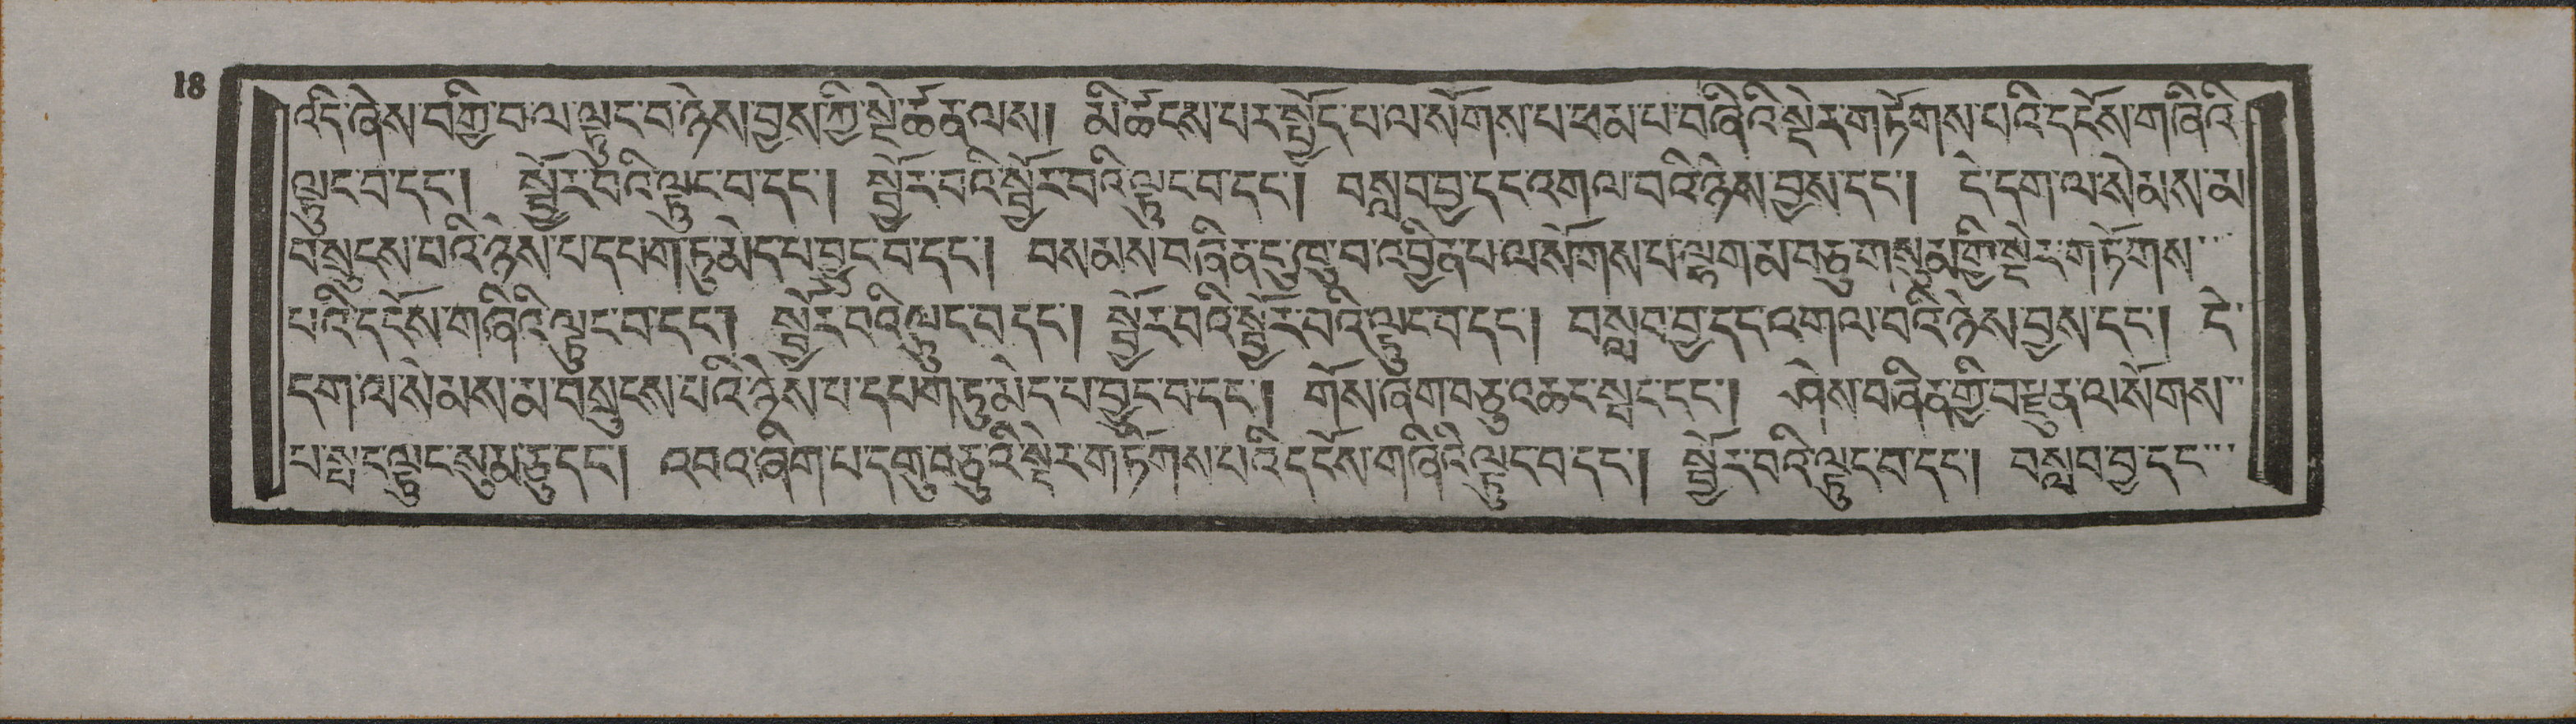འདི་ཞེས་བགྱི་བ་ལ་ལྟུང་བ་ཉེས་བྱས་ཀྱི་སྡེ་ཚན་ལས། མི་ཚངས་པར་སྤྱོད་པ་ལ་སོགས་པ་ཕམ་པ་བཞིའི་སྡེར་གཏོགས་པའི་དངོས་གཞིའི་
ལྟུང་བ་དང་། སྦྱོར་བའི་ལྟུང་བ་དང་། སྦྱོར་བའི་སྦྱོར་བའི་ལྟུང་བ་དང་། བསླབ་བྱ་དང་འགལ་བའི་ཉེས་བྱས་དང་། དེ་དག་ལ་སེམས་མ་
བསྲུངས་པའི་ཉེས་པ་དཔག་ཏུ་མེད་པ་བྱུང་བ་དང་། བསམས་བཞིན་དུ་ཁུ་བ་འབྱིན་པ་ལ་སོགས་པ་ལྷག་མ་བཅུ་གསུམ་གྱི་སྡེར་གཏོགས་
པའི་དངོས་གཞིའི་ལྟུང་བ་དང་། སྦྱོར་བའི་ལྟུང་བ་དང་། སྦྱོར་བའི་སྦྱོར་པའི་ལྟུང་བ་དང་། བསླབ་བྱ་དང་འགལ་བའི་ཉེས་བྱས་དང་། དེ་
དག་ལ་སེམས་མ་བསྲུངས་པའི་ཉེས་པ་དཔག་ཏུ་མེད་པ་བྱུང་བ་དང་། གོས་ཞག་བཅུ་འཆང་སྤང་དང་། ཤེས་བཞིན་གྱི་བརྫུན་ལ་སོགས་
པ་སྤང་ལྟུང་སུམ་ཅུ་དང་། འབའ་ཞིག་པ་དགུ་བཅུའི་སྡེར་གཏོགས་པའི་དངོས་གཞིའི་ལྟུང་བ་དང་། སྦྱོར་བའི་ལྟུང་བ་དང་། བསླབ་བྱ་དང་